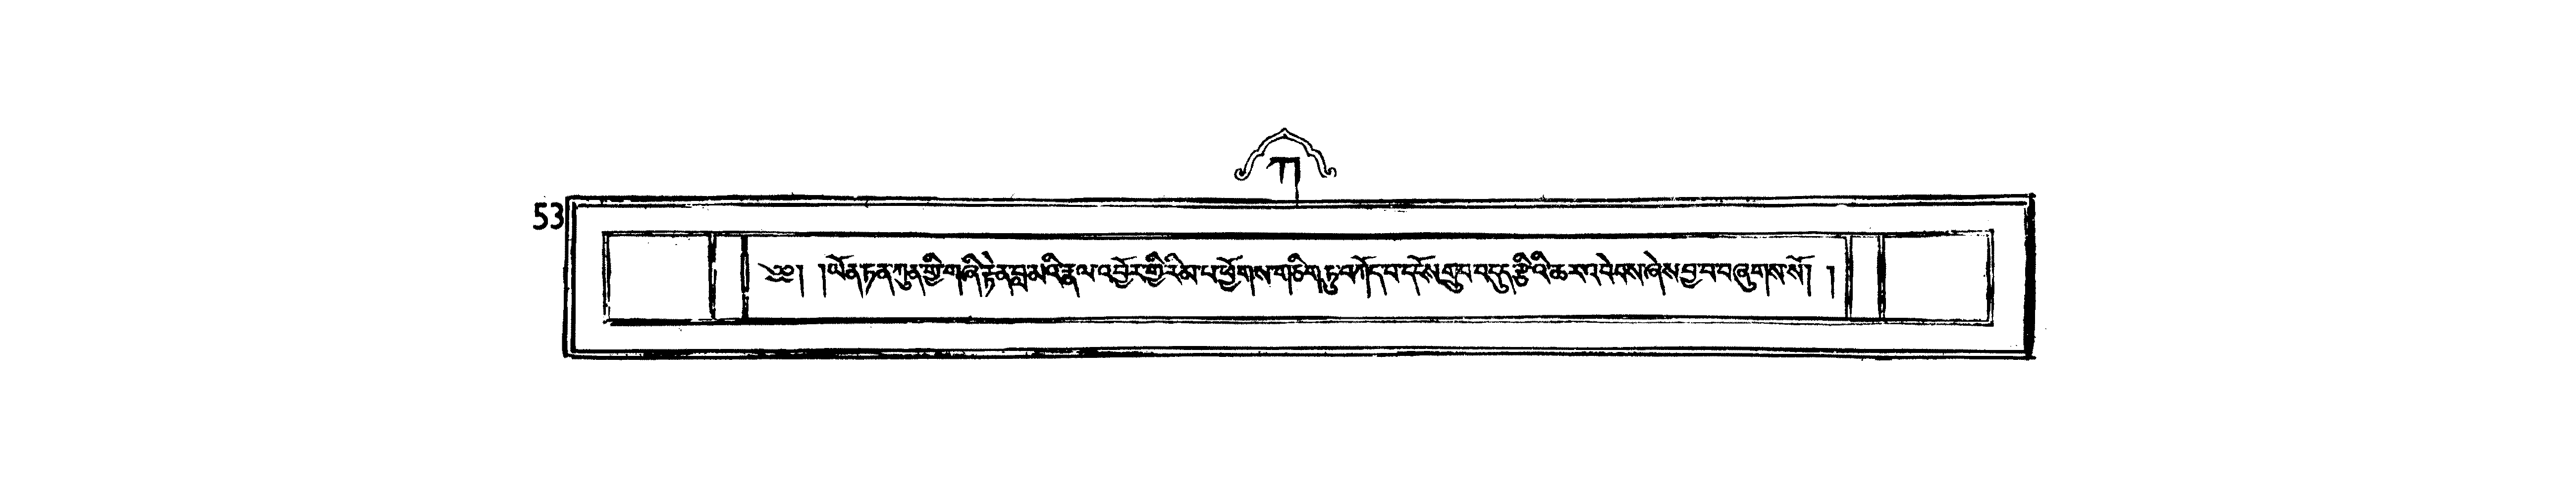༄༅། །ཡོན་ཏན་ཀུན་གྱི་གཞི་རྟེན་བླ་མའི་རྣལ་འབྱོར་གྱི་རིམ་པ་ཕྱོགས་གཅིག་ཏུ་བཀོད་པ་དངོས་གྲུབ་བདུད་རྩིའི་ཆར་འབེབས་ཞེས་བྱ་བ་བཞུགས་སོ། །